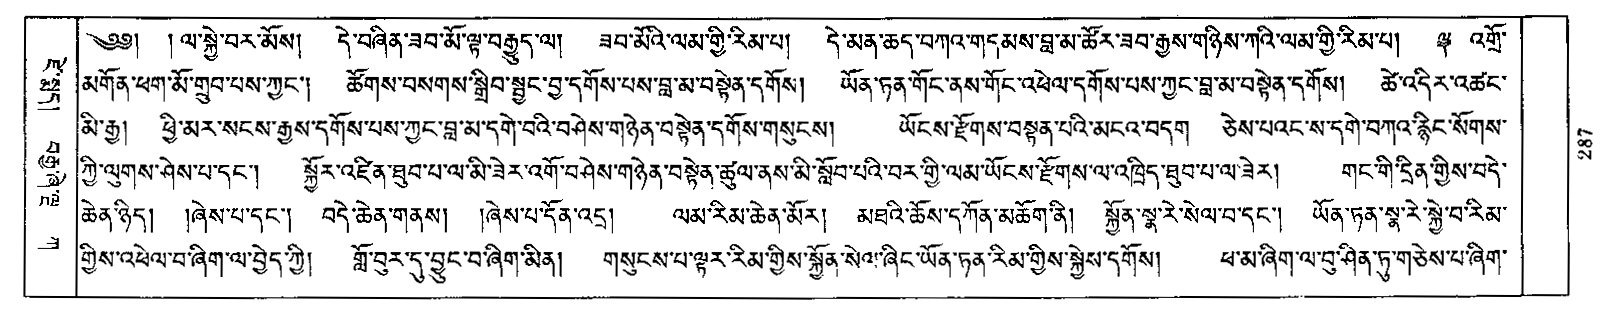༄༅། །ལ་སྐྱེ་བར་མོས། དེ་བཞིན་ཟབ་མོ་ལྟ་བརྒྱུད་ལ། ཟབ་མོའི་ལམ་གྱི་རིམ་པ། དེ་མན་ཆད་བཀའ་གདམས་བླ་མ་ཚོར་ཟབ་རྒྱས་གཉིས་ཀའི་ལམ་གྱི་རིམ་པ། ༈ འགྲོ་
མགོན་ཕག་མོ་གྲུབ་པས་ཀྱང་། ཚོགས་བསགས་སྒྲིབ་སྦྱང་བྱ་དགོས་པས་བླ་མ་བསྟེན་དགོས། ཡོན་ཏན་གོང་ནས་གོང་འཕེལ་དགོས་པས་ཀྱང་བླ་མ་བསྟེན་དགོས། ཚེ་འདིར་འཚང་
མི་རྒྱ། ཕྱི་མར་སངས་རྒྱས་དགོས་པས་ཀྱང་བླ་མ་དགེ་བའི་བཤེས་གཉེན་བསྟེན་དགོས་གསུངས། ཡོངས་རྫོགས་བསྟན་པའི་མངའ་བདག་ཅེས་པའང་ས་དགེ་བཀའ་རྙིང་སོགས་
ཀྱི་ལུགས་ཤེས་པ་དང་། སྐྱོར་འཛིན་ཐུབ་པ་ལ་མི་ཟེར་འགོ་བཤེས་གཉེན་བསྟེན་ཚུལ་ནས་མི་སློབ་པའི་བར་གྱི་ལམ་ཡོངས་རྫོགས་ལ་འཁྲིད་ཐུབ་པ་ལ་ཟེར། གང་གི་དྲིན་གྱིས་བདེ་
ཆེན་ཉིད། །ཞེས་པ་དང་། བདེ་ཆེན་གནས། །ཞེས་པ་དོན་འདྲ། ལམ་རིམ་ཆེན་མོར། མཐའི་ཆོས་དཀོན་མཆོག་ནི། སྐྱོན་སྣ་རེ་སེལ་བ་དང་། ཡོན་ཏན་སྣ་རེ་སྐྱེ་བ་རིམ་
གྱིས་འཕེལ་བ་ཞིག་ལ་བྱེད་ཀྱི། གློ་བུར་དུ་བྱུང་བ་ཞིག་མིན། གསུངས་པ་ལྟར་རིམ་གྱིས་སྐྱོན་སེལ་ཞིང་ཡོན་ཏན་རིམ་གྱིས་སྐྱེས་དགོས། ཕ་མ་ཞིག་ལ་བུ་ཤིན་ཏུ་གཅེས་པ་ཞིག་